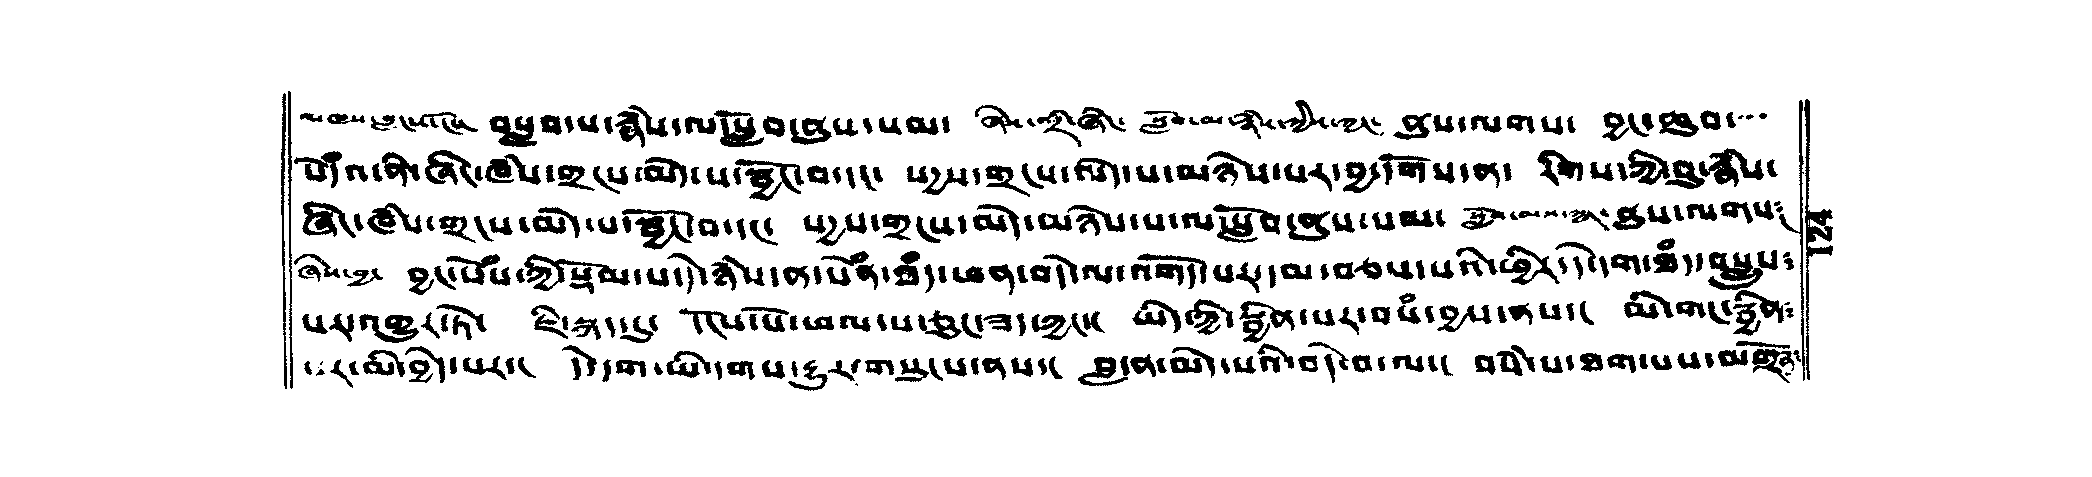བསླབ་པ་རྣམས་ལ་སློབ་ནུས་སམ། ཞེས་འདྲི་ཞིང་། སློབ་མ་རྣམས་ཀྱིས་ཀྱང་། ནུས་ལགས། བྱང་ཆུབ་
སེམས་དཔའ་ནི་ཞིང་ཁམས་གྲངས་མེད་ས་སྦྱོང་བ་དང་། སངས་རྒྱས་གྲངས་མེད་པ་མཉེས་པར་བྱ་དགོས་ན། རིགས་ཀྱི་བུ་རྣམས་
ཞིང་ཁམས་གྲངས་མེད་པ་སྦྱོང་བ་དང་། སངས་རྒྱས་གྲངས་མེད་མཉེས་པ་ལ་སློབ་ནུས་སམ། སློབ་མས་ཀྱང་། ནུས་ལགས། 
ཞེས་བྱ། བྱང་སེམས་ཀྱི་སྡོམ་པ་དེ་ཉམས་ན་སེམས་ཅན་ཐམས་ཅད་ཕན་བདེ་ལ་འགོད་པར་དམ་བཅས་པའི་ཕྱིར་དེ་དག་ཐམས་ཅད་བསླུས་
པར་འགྱུར་ཏེ། ཇི་སྐད་དུ། དངོས་པོ་ཕལ་པ་ཅུང་ཟད་ཀྱང་། ཡིད་ཀྱི་སྦྱིན་པར་བསམ་བྱས་ནས། མི་གང་སྦྱིན་
པར་མི་བྱེད་པར། དེ་དག་ཡི་དགས་རྒྱུར་གསུངས་ནས། བླ་ན་མེད་པའི་བདེ་བ་ལ། བསམ་པ་ཐག་པས་མགྲོན་